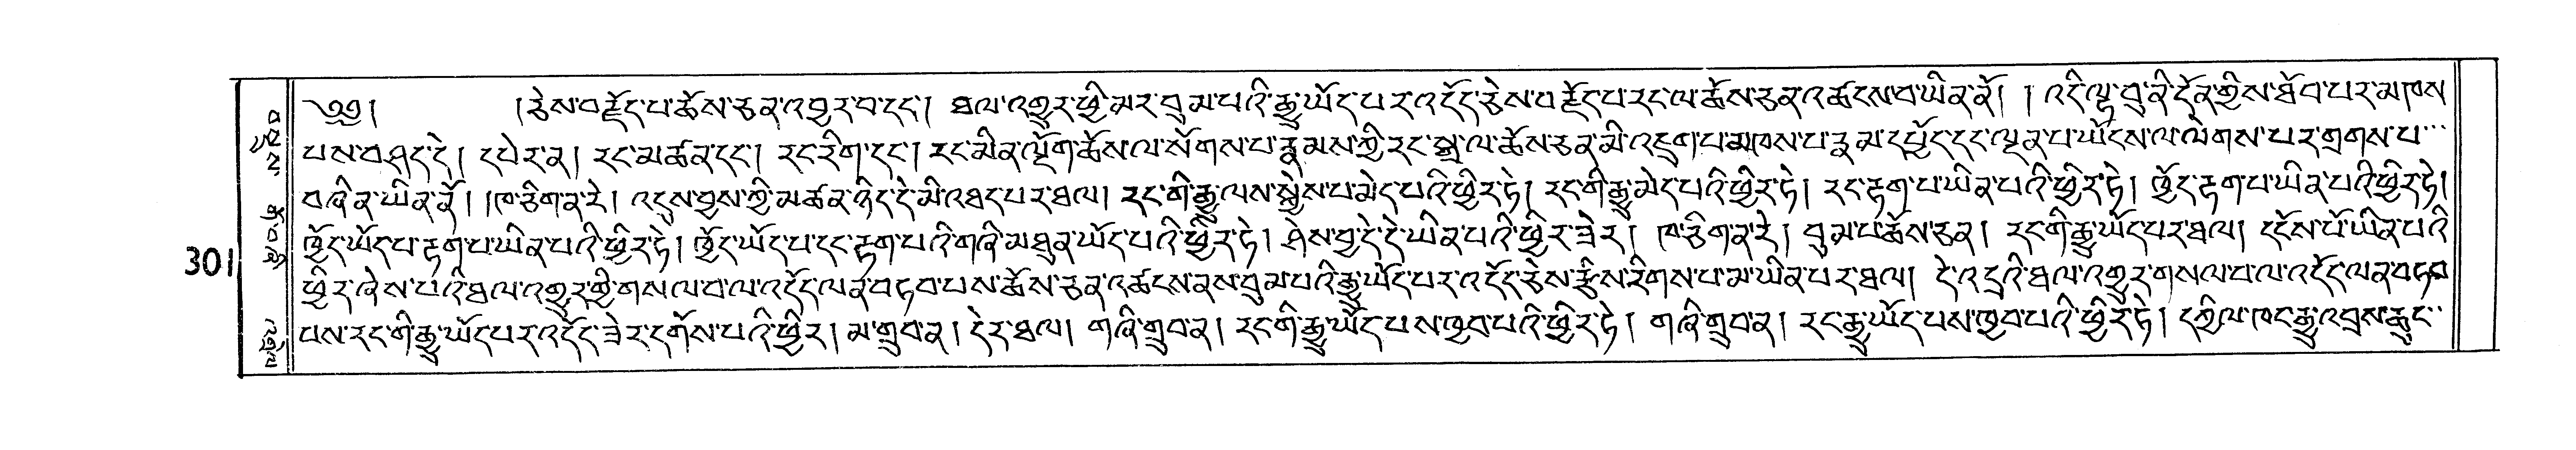༄༅། །ཅེས་བརྗོད་པ་ཆོས་ཅན་འབྱར་བ་དང་། ཐལ་འགྱུར་ཕྱི་མར་བུམ་པའི་རྒྱུ་ཡོད་པར་འདོད་ཅེས་བརྗོད་པ་རང་ལ་ཆོས་ཅན་འཚངས་བ་ཡིན་ནོ། །འདི་ལྟ་བུ་ནི་དོན་གྱིས་ཐོབ་པར་མཁས་
པས་བཤད་དེ། དཔེར་ན། རང་མཚན་དང་། རང་རིག་དང་། རང་མིན་ལྡོག་ཆོས་ལ་སོགས་པ་རྣམས་ཀྱི་རང་སྒྲ་ལ་ཆོས་ཅན་མི་འཇུག་པ་མཁས་པ་རྣམ་དཔྱོད་དང་ལྡན་པ་ཡོངས་ལ་ལེགས་པར་གྲགས་པ་
བཞིན་ཡིན་ནོ། །ཁ་ཅིག་ན་རེ། འདུས་བྱས་ཀྱི་མཚན་ཉིད་དེ་མི་འཐད་པར་ཐལ། རང་གི་རྒྱུ་ལས་སྐྱེས་པ་མེད་པའི་ཕྱིར་ཏེ། རང་གི་རྒྱུ་མེད་པའི་ཕྱིར་ཏེ། རང་རྟག་པ་ཡིན་པའི་ཕྱིར་ཏེ། ཁྱོད་རྟག་པ་ཡིན་པའི་ཕྱིར་ཏེ།
ཁྱོད་ཡོད་པ་རྟག་པ་ཡིན་པའི་ཕྱིར་ཏེ། ཁྱོད་ཡོད་པ་དང་རྟག་པའི་གཞི་མཐུན་ཡོད་པའི་ཕྱིར་ཏེ། ཤེས་བྱ་དེ་དེ་ཡིན་པའི་ཕྱིར་ཟེར། ཁ་ཅིག་ན་རེ། བུམ་པ་ཆོས་ཅན། རང་གི་རྒྱུ་ཡོད་པར་ཐལ། དངོས་པོ་ཡིན་པའི་
ཕྱིར་ཞེས་པའི་ཐལ་འགྱུར་གྱི་གསལ་བ་ལ་འདོད་ལན་བཏབ་པས་ཆོས་ཅན་འཚངས་ནས་བུམ་པའི་རྒྱུ་ཡོད་པར་འདོད་ཅེས་རྩིས་རིགས་པ་མ་ཡིན་པར་ཐལ། དེ་འདྲའི་ཐལ་འགྱུར་གསལ་བ་ལ་འདོད་ལན་བཏབ་
པས་རང་གི་རྒྱུ་ཡོད་པར་འདོད་ཟེར་དགོས་པའི་ཕྱིར། མ་གྲུབ་ན། དེར་ཐལ། གཞི་གྲུབ་ན། རང་གི་རྒྱུ་ཡོད་པས་ཁྱབ་པའི་ཕྱིར་ཏེ། གཞི་གྲུབ་ན། རང་རྒྱུ་ཡོད་པས་ཁྱབ་པའི་ཕྱིར་ཏེ། དཀྱིལ་ཁང་རྒྱུ་འབྲས་ཆུང་